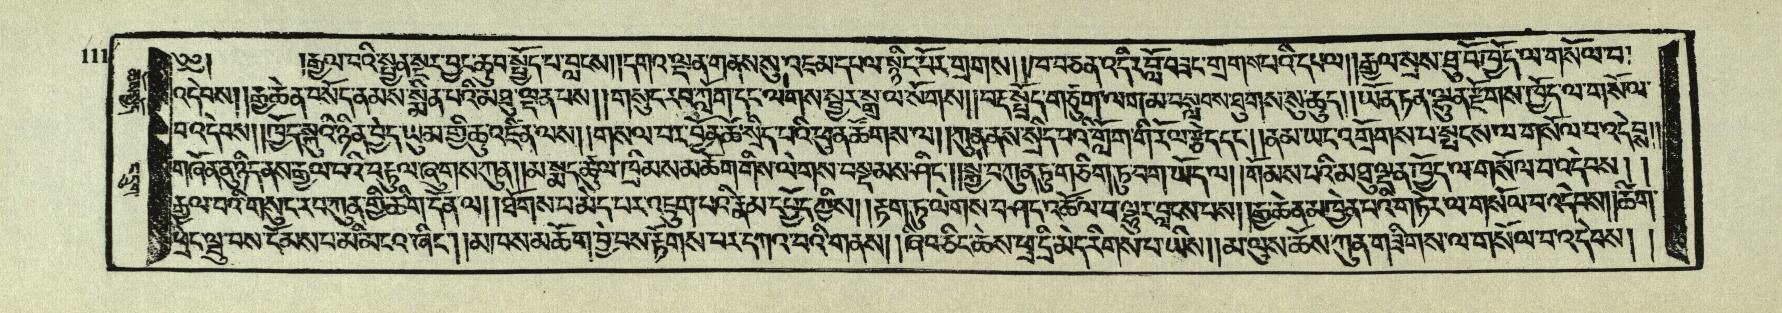༄༅། །རྒྱལ་བའི་སྤྱན་སྔར་བྱང་ཆུབ་སྤྱོད་པ་བླངས། །དགའ་ལྡན་གནས་སུ་འཇམ་དཔལ་སྙིང་པོར་གྲགས། །ཁ་བ་ཅན་འདིར་བློ་བཟང་གྲགས་པའི་དཔལ། །རྒྱལ་སྲས་ཐུ་བོ་ཁྱོད་ལ་གསོལ་བ།
འདེབས། །རྒྱ་ཆེན་བསོད་ནམས་སྨིན་པའི་མཐུ་ལྡན་པས། །གསུང་རབ་ཀློག་དང་ལེགས་སྦྱར་སྒྲ་ལ་སོགས། །བརྡ་སྤྲོད་གཙུག་ལག་མ་བསླབས་ཐུགས་སུ་ཆུད། །ཡོན་ཏན་ལྷུན་རྫོགས་ཁྱོད་ལ་གསོལ་
བ་འདེབས། །ཁྱོད་སྐུའི་ཉིན་བྱེད་ཡུམ་གྱི་ཆུ་འཛིན་ལས། །གསལ་བར་བྱོན་ཚེ་སྲིད་པའི་ཕུན་ཚོགས་ལ། །ཀུན་ནས་སྲིད་པའི་གློག་གི་རོལ་རྩེད་དང་། །ནམ་ཡང་འགྲོགས་པ་སྤངས་ལ་གསོལ་བ་འདེབས།།
གཞོན་ནུ་ཉིད་ནས་རྒྱལ་བའི་བརྟུལ་ཞུགས་ཀུན། །མ་སྨད་ཚུལ་ཁྲིམས་མཆོག་གིས་ལེགས་བསྡམས་ཤིང་། །སྐྱེ་བ་ཀུན་ཏུ་གཅིག་ཏུ་བག་ཡོད་ལ། །གོམས་པའི་མཐུ་ལྡན་ཁྱོད་ལ་གསོལ་བ་འདེབས།།
རྒྱལ་བའི་གསུང་རབ་ཀུན་གྱི་ཚིག་དོན་ལ། །ཐོགས་པ་མེད་པར་འཇུག་པའི་རྣམ་དཔྱོད་ཀྱིས། །རྟག་ཏུ་ལེགས་བཤད་འཚོལ་བ་ལྷུར་བླངས་པས། །རྒྱ་ཆེན་མཁྱེན་པའི་གཏེར་ལ་གསོལ་བ་འདེབས། །ཚིག་
ཕྲེང་ལྦུ་བས་དོ་མས་པ་མི་མངའ་ཞིང་། །མཁས་མཆོག་བྱེ་བས་རྟོགས་པར་དཀའ་བའི་གནས། །ཞིབ་ཅིང་ཆེས་ཕྲ་དྲི་མེད་རིགས་པ་ཡིས། །མ་ལུས་ཆོས་ཀུན་གཟིགས་ལ་གསོལ་བ་འདེབས། །